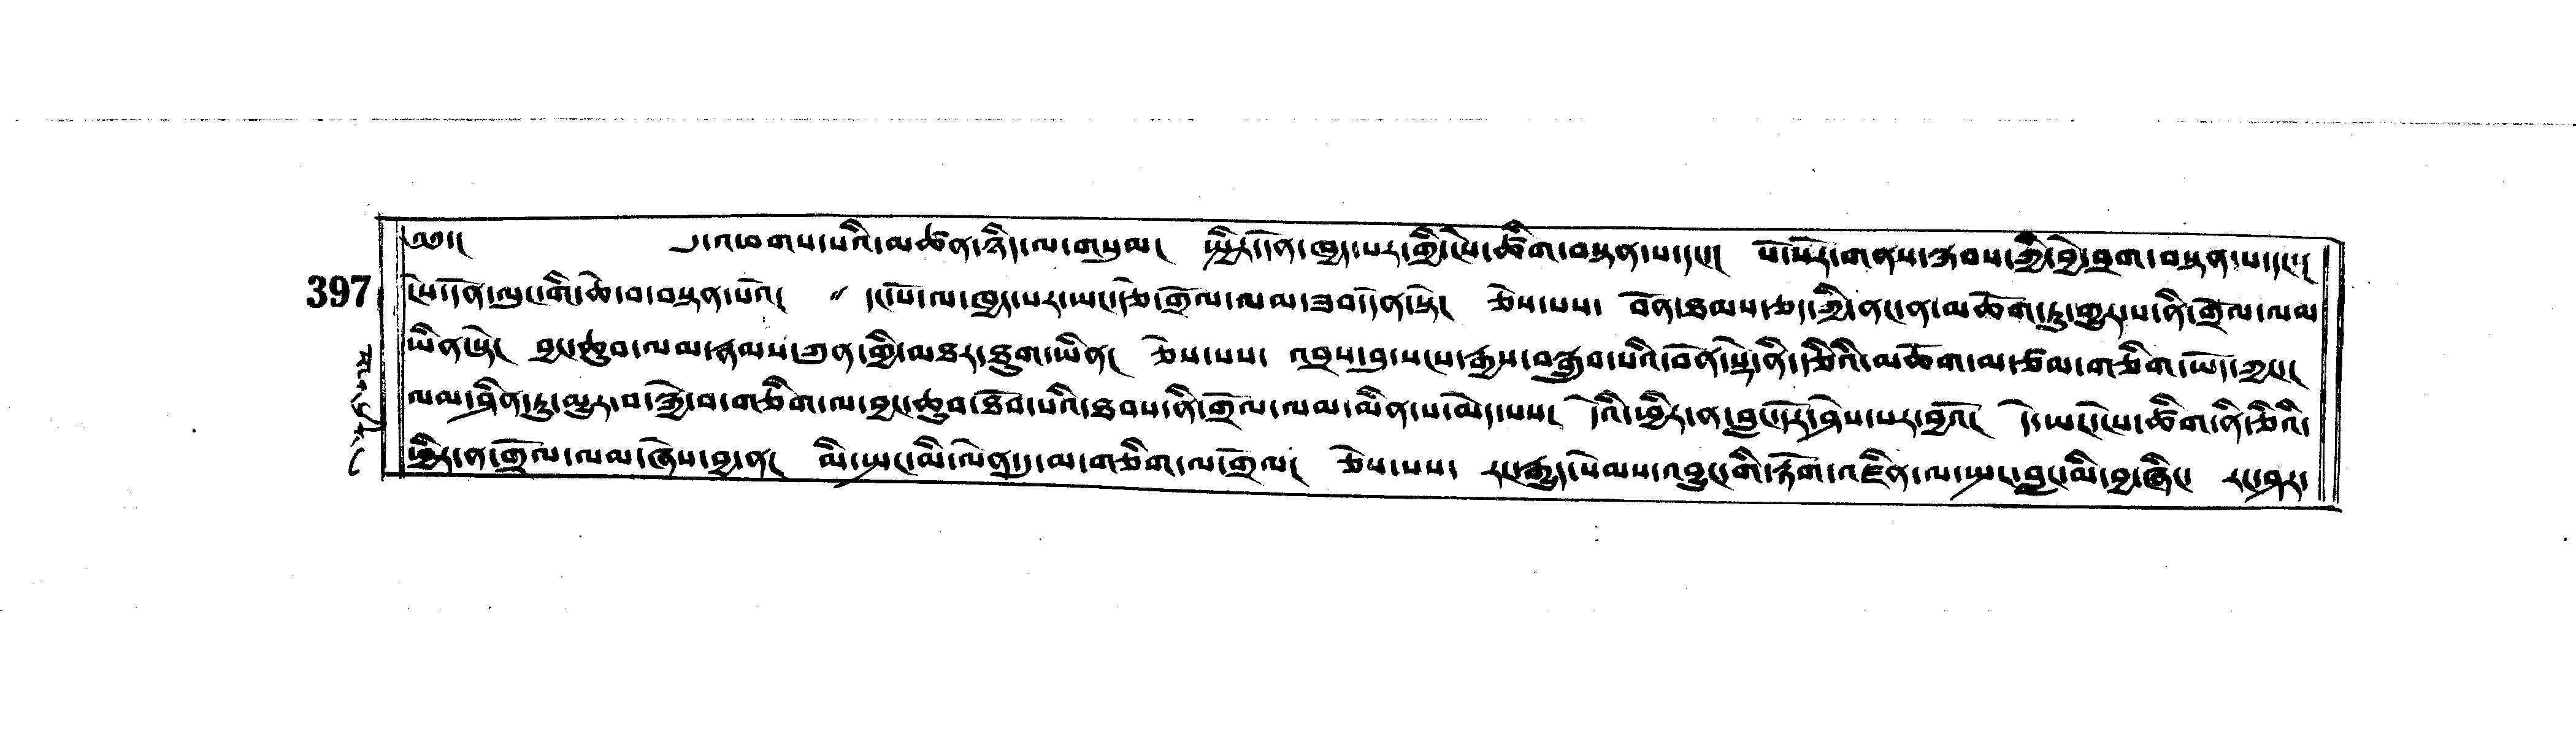དུ་འཕགས་པའི་མཚན་ཉིད་ལ་གསུམ། སྤྱིར་དོན་ཁྱད་པར་གྱི་ངེས་ཚིག་བསྟན་པ་དང་། སོ་སོར་གནས་སྐབས་ཀྱི་བྱེ་བྲག་བསྟན་པ་དང་།
ངེས་དོན་ལུང་གི་ཆེ་བ་བསྟན་པའོ། དང་པོ་ལ་ཁྱད་པར་ཡང་རྩེ་གྲོལ་ལམ་ཟབ་དོན་སྟེ། ཅེས་པས། བོན་ཐམས་ཅད་ཀྱི་ནང་ན་མཆོག་ཏུ་གྱུར་པ་ནི་གྲོལ་ལམ་
ཡིན་ཏེ། བྱང་ཆུབ་ལམ་རྣམས་ཀུན་གྱི་མཐར་ཐུག་ཡིན། ཅེས་པས། འབྲས་བུ་སངས་རྒྱས་བསྒྲུབ་པའི་བོན་སྡེ་ནི་རྩི་ཡི་མཆོག་མ་ཙམ་ཞིག་ཡོད་ཀྱང་། 
ལམ་ཤིན་ཏུ་མྱུར་བ་སྐྱེ་བ་གཅིག་ལ་བྱང་ཆུབ་ཐོབ་པའི་ཐབས་ནི་གྲོལ་ལམ་མིན་པ་མེད་པས། དེའི་ཕྱིར་ན་བླང་དོར་ཤེས་པར་བྱའོ། དེ་ཡང་ངེས་ཚིག་ནི་ཅིའི་
ཕྱིར་ན་གྲོལ་ལམ་ཞེས་བྱ་ན། མི་སྤང་མི་ལེན་དུ་མ་གཅིག་ལ་གྲོལ། ཅེས་པས། རང་རྒྱུད་སེམས་བྱུང་གི་རྟོག་འཛིན་ལ་སྤང་བླང་མི་བྱ་ཞིང་། རང་ཤར་